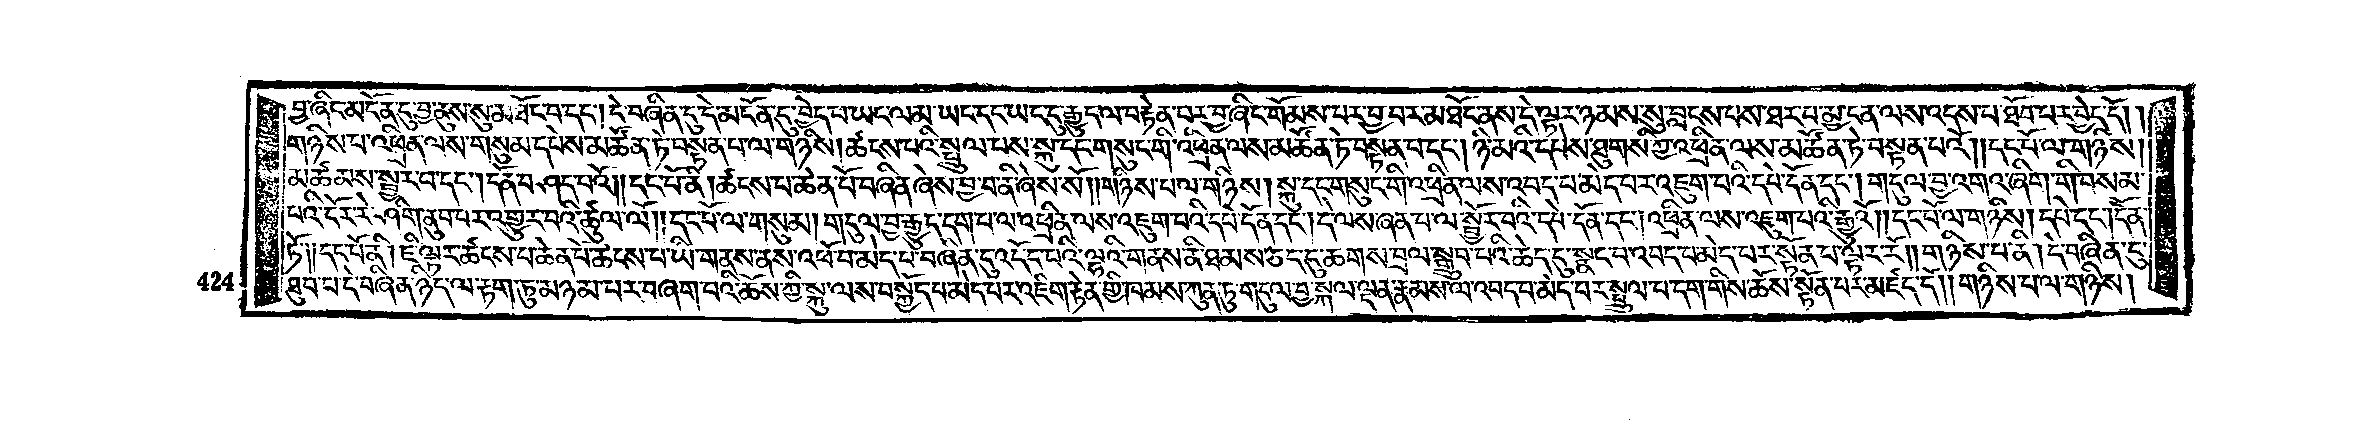བྱ་ཞིང་མངོན་དུ་བྱ་ནུས་སུ་མཐོང་བ་དང་། དེ་བཞིན་དུ་དེ་མངོན་དུ་བྱེད་པ་ཡང་ལམ་ཡང་དང་ཡང་དུ་རྒྱུད་ལ་བརྟེན་བར་བྱ་ཞིང་གོམས་པར་བྱ་བར་མཐོང་ནས་དེ་ལྟར་ཉམས་སུ་བླངས་པར་ཐར་པ་མྱ་ངན་ལས་འདས་པ་ཐོབ་པར་བྱེད་དོ། །
གཉིས་པ་འཕྲིན་ལས་གསུམ་དཔེས་མཚོན་ཏེ་བསྟན་པ་ལ་གཉིས། ཚངས་པའི་སྤྲུལ་པས་སྐུ་དང་གསུང་གི་འཕྲིན་ལས་མཚོན་ཏེ་བསྟན་པ་དང་། ཉི་མའི་དཔེས་ཐུགས་ཀྱི་འཕྲིན་ལས་མཚོན་ཏེ་བསྟན་པའོ། །དང་པོ་ལ་གཉིས།
མཚམས་སྦྱར་བ་དང་། དོན་བཤད་པའོ། །དང་པོ་ནི། ཚངས་པ་ཆེན་པོ་བཞིན་ཞེས་བྱ་བ་ནི་ཞེས་སོ། །གཉིས་པ་ལ་གཉིས། སྐུ་དང་གསུང་གི་འཕྲིན་ལས་འབད་པ་མེད་པར་འཇུག་པའི་དཔེ་དོན་དང་། གདུལ་བྱ་འགའ་ཞིག་ཞིག་གི་བསམ་
པའི་ངོར་རེ་ཤིག་ནུབ་པར་འགྱུར་བའི་ཚུལ་ལོ། །དང་པོ་ལ་གསུམ། གདུལ་བྱ་རྒྱུད་དག་པ་ལ་འཕྲིན་ལས་འཇུག་པའི་དཔེ་དོན་དང་། དེ་ལས་ཞན་པ་ལ་སྦྱོར་བའི་དཔེ་དོན་དང་། འཕྲིན་ལས་འཇུག་པའི་རྒྱུའོ། །དང་པོ་ལ་གཉིས། དཔེ་དང་། དོན་
ཏོ། །དང་པོ་ནི། ཇི་ལྟར་ཚངས་པ་ཆེན་པོ་ཚངས་པ་ཡི་གནས་ནས་འཕོ་བ་མེད་པ་བཞིན་དུ་འདོད་པའི་ལྷའི་གནས་ནི་ཐམས་ཅད་དུ་ཆགས་བྲལ་སྒྲུབ་པའི་ཆེད་དུ་སྣང་བ་འབད་པ་མེད་པར་སྟོན་པ་ལྟར་རོ། །གཉིས་པ་ནི། དེ་བཞིན་དུ་
ཐུབ་པ་དེ་བཞིན་ཉིད་ལ་རྟག་ཏུ་མཉམ་པར་བཞག་པའི་ཆོས་ཀྱི་སྐུ་ལས་བསྐྱོད་པ་མེད་པར་འཇིག་རྟེན་གྱི་ཁམས་ཀུན་ཏུ་གདུལ་བྱ་སྐལ་ལྡན་རྣམས་ལ་འབད་པ་མེད་པར་སྤྲུལ་པ་དག་གིས་ཆོས་སྟོན་པར་མཛད་དོ། །གཉིས་པ་ལ་གཉིས།